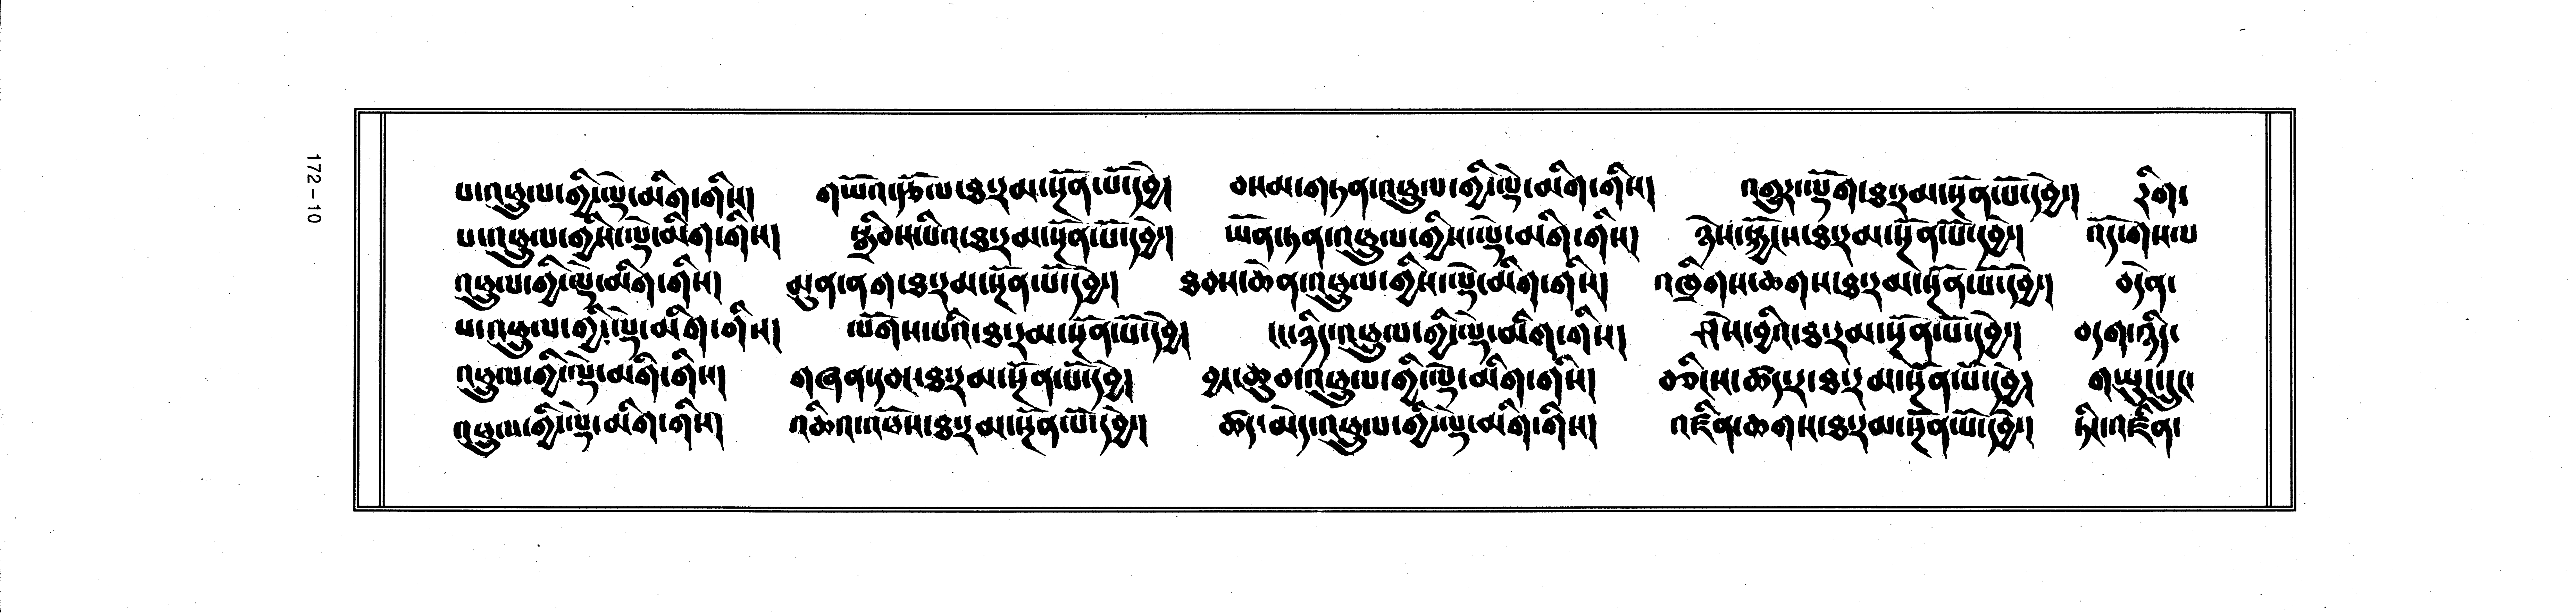པ་འཕྲུལ་གྱི་ལྡེ་མིག་གིས། གཡོའ་རྩོལ་ཐ་རམ་སྔོན་པོ་དབྱེ། བསམ་གཏན་འཕྲུལ་གྱི་ལྡེ་མིག་གིས། འགྱུར་ལྡོག་ཐ་རམ་སྔོན་པོ་དབྱེ། རིག་
པ་འཕྲུལ་གྱི་ལྡེ་མིག་གིས། སྒྲིབས་པའི་ཐ་རམ་སྔོན་པོ་དབྱེ། ཡོན་ཏན་འཕྲུལ་གྱི་ལྡེ་མིག་གིས། ཉེས་སྐྱོན་ཐ་རམ་སྔོན་པོ་དབྱེ། འོད་གསལ་
འཕྲུལ་གྱི་ལྡེ་མིག་གིས། མུན་ནག་ཐ་རམ་སྔོན་པོ་དབྱེ། ཐབས་ཆེན་འཕྲུལ་གྱི་ལྡེ་མིག་གིས། འཁྲིགས་ཆགས་ཐ་རམ་སྔོན་པོ་དབྱེ། བདེན་
པ་འཕྲུལ་གྱི་ལྡེ་མིག་གིས། ལོག་པའི་ཐ་རམ་སྔོན་པོ་དབྱེ། ངང་ཉིད་འཕྲུལ་གྱི་ལྡེ་མིག་གིས། ཤེས་བྱའི་ཐ་རམ་སྔོན་པོ་དབྱེ། བདག་ཉིད་
འཕྲུལ་གྱི་ལྡེ་མིག་གིས། གཞན་དབང་ཐ་རམ་སྔོན་པོ་དབྱེ། བྱང་ཆུབ་འཕྲུལ་གྱི་ལྡེ་མིག་གིས། བཅིངས་ཚད་ར་ཐ་རམ་སྔོན་པོ་དབྱེ། གཡུང་དྲུང་
འཕྲུལ་གྱི་ལྡེ་མིག་གིས། འཆི་འཕོས་ཐ་རམ་སྔོན་པོ་དབྱེ། ཚད་མེད་འཕྲུལ་གྱི་ལྡེ་མིག་གིས། འཛིན་ཆགས་ཐ་རམ་སྔོན་པོ་དབྱེ། ཏིང་འཛིན་